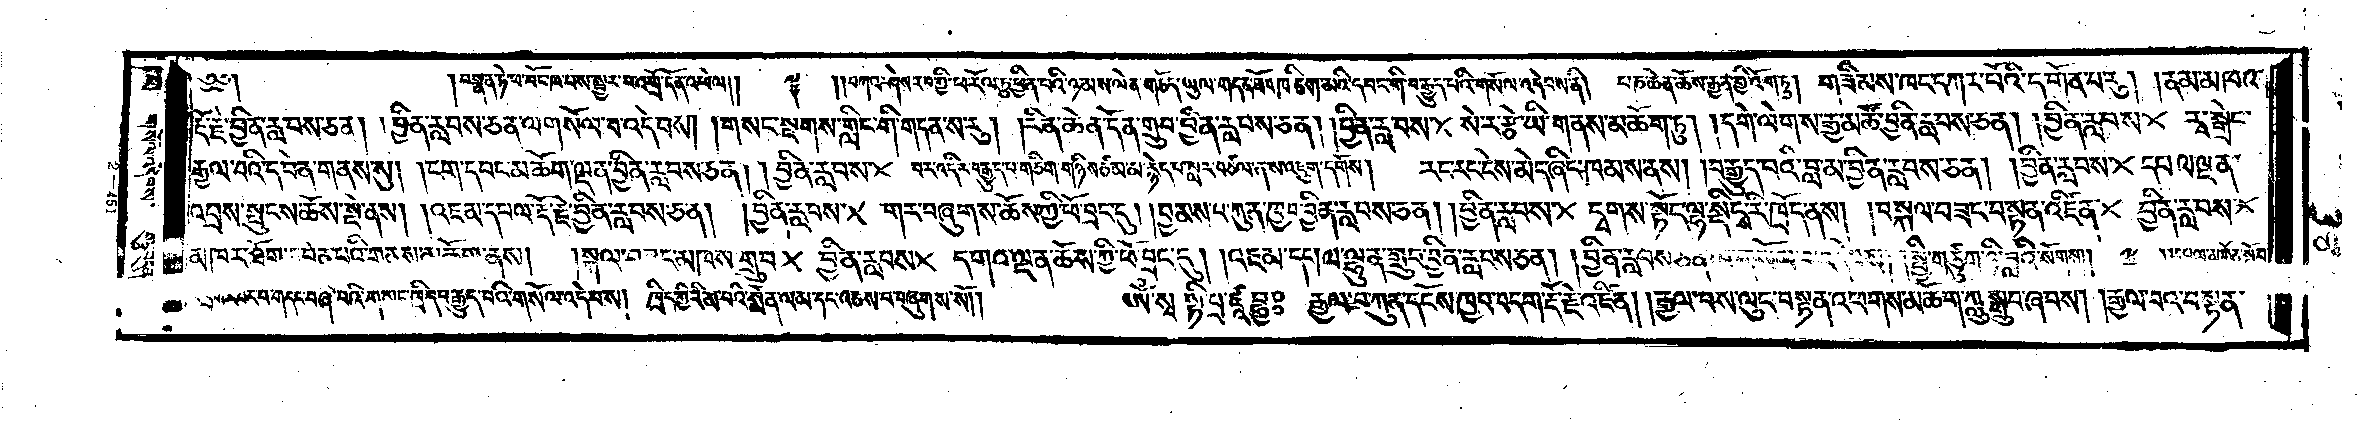༄༅། །བསྣན་ཏེ་ཕ་ཕོང་ཁ་པས་སྦྱར་བ་འགྲོ་དོན་འཕེལ།། ༈ །།བཀའ་ཤེས་རབ་གྱི་ཕ་རོལ་ཏུ་ཕྱིན་པའི་ཉམས་ལེན་གཅོད་ཡུལ་གདན་ཐོབ་ཁ་ཅིག་མའི་དབང་གི་བརྒྱུད་པའི་གསོལ་འདེབས་ནི། པཎ་ཆེན་ཆོས་རྒྱན་གྱི་འོག་ཏུ།  གཟིམས་ཁང་དཀར་པོའི་དགོན་པ་རུ། །ནམ་མཁའ་
རྡོ་རྗེ་བྱིན་རླབས་ཅན། །བྱིན་རླབས་ཅན་ལ་གསོལ་བ་འདེབས། །གསང་སྔགས་གླིང་གི་གདན་ས་རུ། །རིན་ཆེན་དོན་གྲུབ་བྱིན་རླབས་ཅན། །བྱིན་རླབས་྾་སེ་ར་རྩེ་ཡི་གནས་མཆོག་ཏུ། །དགེ་ལེགས་རྒྱ་མཚོ་བྱིན་རླབས་ཅན། །བྱིན་རླབས་྾་རྭ་སྒྲེང་
རྒྱལ་བའི་དབེན་གནས་སུ། །ངག་དབང་མཆོག་ལྡན་བྱིན་རླབས་ཅན། །བྱིན་རླབས་྾་བར་འདིར་བརྒྱུད་པ་གཅིག་གཉིས་ཙམ་མ་རྙེད་པ་སླར་བཙལ་ནས་འཇུག་དགོས།  རང་རང་ངེས་མེད་ཞིང་ཁམས་ནས། །བརྒྱུད་བའི་བླ་མ་བྱིན་རླབས་ཅན། །བྱིན་རླབས་྾་དཔལ་ལྡན་
འབྲས་སྤུངས་ཆོས་སྡེ་ནས། །འཇམ་དཔལ་རྡོ་རྗེ་བྱིན་རླབས་ཅན། །བྱིན་རླབས་྾་གར་བཞུགས་ཆོས་ཀྱི་ཕོ་བྲང་དུ། །བྱམས་པ་ཀུན་ཁྱབ་བྱིན་རླབས་ཅན། །བྱིན་རླབས་྾་དྭགས་སྟོང་ལྷ་སྡིངས་རི་ཁྲོད་ནས། །བསྐལ་བཟང་བསྟན་འཛིན་྾་བྱིན་རླབས་྾་
མཁར་ཐོག་དབེན་པའི་གནས་མཆོག་ནས། །སྐལ་བཟང་མཁས་གྲུབ་྾་བྱིན་རླབས་྾་དགའ་ལྡན་ཆོས་ཀྱི་ཕོ་བྲང་དུ། །འཇམ་དཔལ་ལྷུན་གྲུབ་བྱིན་རླབས་ཅན། །བྱིན་རླབས་ཅན་ལ་གསོལ་བ་འདེབས། །སྤྱི་གཙུག་ཉི་ཟླའི་སོགས།། ༈ །དཔལ་མགོན་སྔོབ་
སྲག་དབང་བ་གདང་བཞི་བའི་གསད་ཁྲིད་བརྒྱུད་བའི་གསོལ་འདེབས། ཁྲིད་ཀྱི་རིམ་བའི་སྨོན་ལམ་དང་བཅས་བ་བཞུགས་སོ།། ཨོཾ་སྭ་སྟི་པྲ་ཛཱ་བྷྱཿ རྒྱལ་བ་ཀུན་དངོས་ཁྱབ་བདག་རྡོ་རྗེ་འཛིན། །རྒྱལ་བས་ལུང་བསྟན་འཕགས་མཆོག་ཀླུ་སྒྲུབ་ཞབས། །རྒྱལ་བའི་བསྟན་